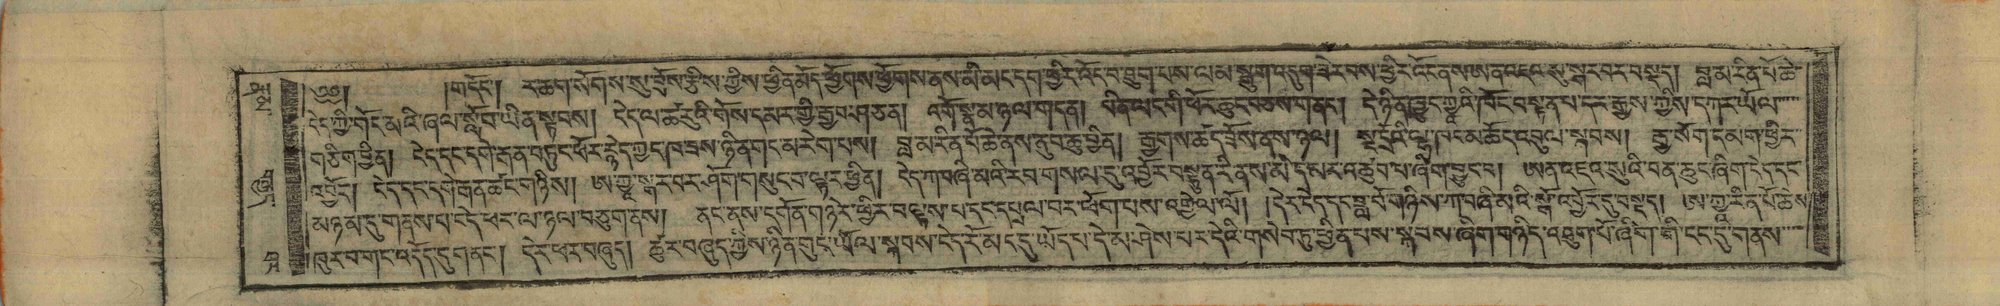༄༅། །གདོང་། ར་ཆག་སོགས་སུ་བྲོས་རྩིས་ཀྱིས་ཕྱིན་མོད་ཕྱོགས་ཕྱོགས་ནས་མི་མང་དག་ཕྱིར་འོང་བ་ཐུག་པས་ལམ་སྒུག་འདུག་ཟེར་བས་ཕྱིར་འོང་ནས་ཨན་འཇའ་སུ་སྒར་བར་བསྡད། བླ་མ་རིན་པོ་ཆེ་
ངེད་ཀྱི་གོང་མའི་ཞལ་སློབ་ཡིན་སྟབས། ངེད་ལ་ཚ་རུའི་གོས་དམར་གྱི་རྒྱབ་ཤ་ཅན། འགོ་སྣམ་ཉལ་གདན། པིན་ལང་གི་ཕོར་ཆུང་བཅས་གནང་། དེ་ཉིན་ཁྱུང་ཀྱཱའི་ཁོང་བསྟན་པ་དར་རྒྱས་ཀྱིས་དཀར་ཡོལ་
གཅིག་བྱིན། ངེད་དང་དགེ་རྒན་བཏུང་ཕོར་རྙེད་ཀྱང་ཁ་ཟས་ཉིན་གང་མ་རེག་པས། བླ་མ་རིན་པོ་ཆེ་ནས་ནུབ་ཆུ་བྱིན། རྒྱགས་ཚད་ཟོས་ནས་ཉལ། སྔ་དྲོའི་ལྷ་ཁང་མཆོད་འབུལ་སྐབས། རྒྱ་སོག་དམག་ཕྱིར་
འབྱོར། ངེད་དང་དགེ་རྒན་ཚང་གཉིས། ཨ་ཀྱཱ་སྒར་བར་ཤོག་གསུང་བ་ལྟར་ཕྱིན། ངེད་ཀ་བཞི་མའི་རབ་གསལ་དུ་འབྱོར་བསྟུན་རི་ནས་མེ་དམར་འཚུབ་པ་ཞིག་བྱུང་བ། ཨན་འཇའ་སུའི་བན་ཆུང་ཞིག་ངེད་དང་
མཉམ་དུ་གནས་པ་ངེད་ཕར་ལ་ཉལ་བཅུག་ནས། ནང་ནས་དགོན་གཉེར་ཕྱིར་བལྟས་པ་དང་དཔྲལ་བར་ཕོག་པས་འགྱེལ་ལོ། །དེར་ངེད་དང་ཟླ་བོ་གཉིས་ཀ་བཞི་མའི་སྒོ་འབྱོར་དུ་བསྡད། ཨ་ཀྱཱ་རིན་པོ་ཆེས་
ཁུར་བ་གང་འདོད་དུ་གནང་། དེར་ཕར་བཞུད། ཚུར་བཞུད་ཀྱིས་ཉིན་གུང་ཡོལ་སྐབས་ངེད་རོ་མང་དུ་ཡོད་པ་དེ་མ་ཤེས་པར་དེའི་གསེབ་ཏུ་ཕྱིན་པས་སྐབས་ཞིག་གཉིད་འཐུག་པོ་ཞིག་གི་ངང་དུ་གནས་